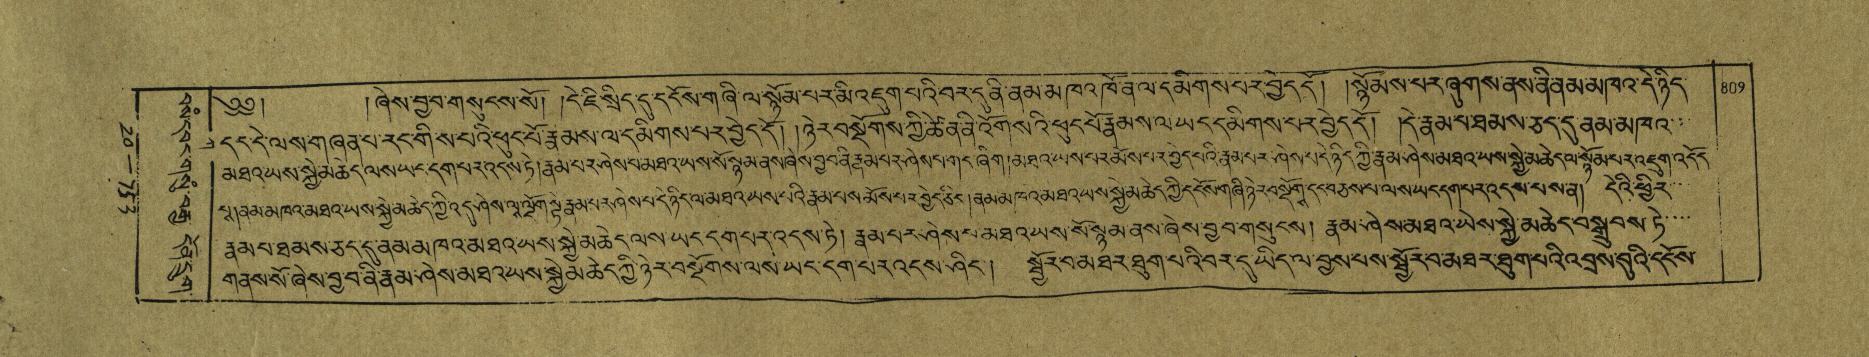༄༅། །ཞེས་བྱ་བ་གསུངས་སོ། །དེ་ཇི་སྲིད་དུ་དངོས་གཞི་ལ་སྙོམ་པར་མི་འཇུག་པའི་བར་དུ་ནི་ནམ་མཁའ་ཁོ་ན་ལ་དམིགས་པར་བྱེད་དོ། །སྙོམས་པར་ཞུགས་ནས་ནི་ནམ་མཁའ་དེ་ཉིད་
དང་དེ་ལས་གཞན་པ་རང་གི་ས་པའི་ཕུང་པོ་རྣམས་ལ་དམིགས་པར་བྱེད་དོ། །ཉེར་བསྡོགས་ཀྱི་ཚེ་ན་ནི་འོག་སའི་ཕུང་པོ་རྣམས་ལ་ཡང་དམིགས་པར་བྱེད་དོ། །དེ་རྣམ་པ་ཐམས་ཅད་དུ་ནམ་མཁའ་
མཐའ་ཡས་སྐྱེ་མཆེད་ལས་ཡང་དག་པར་འདས་ཏེ། རྣམ་པར་ཤེས་པ་མཐའ་ཡས་སོ་སྙམ་ནས་ཞེས་བྱ་བ་ནི་རྣམ་པར་ཤེས་པ་གང་ཞིག །མཐའ་ཡས་པར་མོས་པར་བྱེད་པའི་རྣམ་པར་ཤེས་པ་དེ་ཉིད་ཀྱི་རྣམ་ཤེས་མཐའ་ཡས་སྐྱེ་མཆེད་ལ་སྙོམ་པར་འཇུག་འདོད་
པས། ནམ་མཁའ་མཐའ་ཡས་སྐྱེ་མཆེད་ཀྱི་འདུ་ཤེས་ལས་ལྡོག་སྟེ་རྣམ་པར་ཤེས་པ་དེ་ཉིད་ལ་མཐའ་ཡས་པའི་རྣམ་པས་མོས་པར་བྱེད་ཅིང་། ནམ་མཁའ་མཐའ་ཡས་སྐྱེ་མཆེད་ཀྱི་དངོས་གཞི་ཉེར་བསྔོགས་དང་བཅས་པ་ལས་ཡང་དག་པར་འདས་པས་ན། དེའི་ཕྱིར་
རྣམ་པ་ཐམས་ཅད་དུ་ནམ་མཁའ་མཐའ་ཡས་སྐྱེ་མཆེད་ལས་ཡང་དག་པར་འདས་ཏེ། རྣམ་པར་ཤེས་པ་མཐའ་ཡས་སོ་སྙམ་ནས་ཞེས་བྱ་བ་གསུངས། རྣམ་ཤེས་མཐའ་ཡེས་སྐྱེ་མཆེད་བསྒྲུབས་ཏེ་
གནས་སོ་ཞེས་བྱ་བ་ནི་རྣམ་ཤེས་མཐའ་ཡས་སྐྱེ་མཆེད་ཀྱི་ཉེར་བསྔོགས་ལས་ཡང་དག་པར་འདས་ཤིང་། སྦྱོར་བ་མཐར་ཐུག་པའི་བར་དུ་ཡིད་ལ་བྱས་པས་སྦྱོར་བ་མཐར་ཐུག་པའི་འབྲས་བུའི་དངོས་